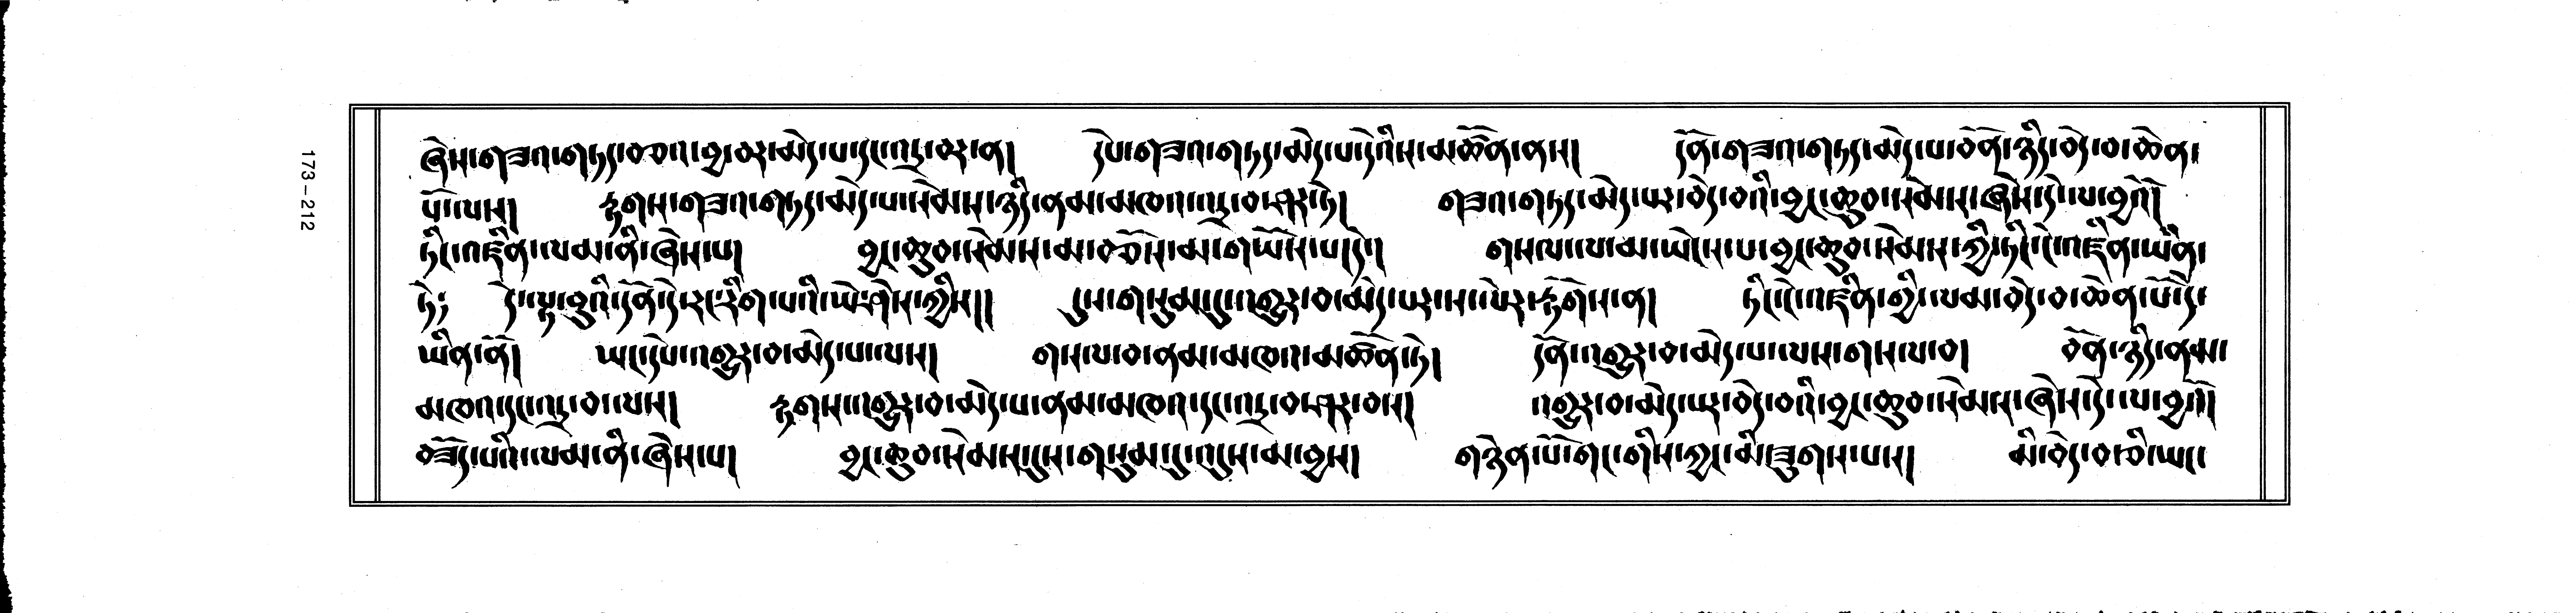ཞེས་གཟའ་གཏད་བཅའ་བྱ་བར་མེད་པ་དང་འདྲ་བས་ན། དཔེ་གཟའ་གཏད་མེད་པ་དེ་ཡིས་མཚོིན་ནས། དོན་གཟའ་གཏད་མེད་པ་བོན་ཉིད་བདེ་བ་ཆེན་
པོ་ལས། རྟགས་གཟའ་གཏད་མེད་པ་སེམས་ཉིད་ནམ་མཁའ་འདྲ་བ་ཤར་ཏེ། གཟའ་གཏད་མེད་པར་བདེ་བའི་བྱང་ཆུབ་སེམས་ཞེས་དེ་ལ་བྱའོ། །
ཏིང་འཛིན་ལམ་ནི་ཞེས་པ། བྱང་ཆུབ་སེམས་མ་བཅོས་མ་གཡོས་པ་དེ། གསལ་ལ་མ་ཡེངས་པ་བྱང་ཆུབ་སེམས་ཏིང་ངེ་འཛིན་བསྟན་
ཏེ། དེ་ལྟ་བུའི་དོན་དེ་རང་རིག་པའི་ཡེ་ཤེས་ཀྱིས། དུས་གསུམ་དུ་འགྱུར་བ་མེད་པར་ས་ལེར་རྟོགས་པ་ན། ཏིང་ངེ་འཛིན་གྱི་ལམ་བདེ་བ་ཆེན་པོ་
ཡིན་ནོ། །ཡང་དཔེ་འགྱུར་བ་མེད་པ་ལས། གསལ་བ་ནམ་མཁའ་མཚོན་ཏེ། དོན་འགྱུར་བ་མེད་པ་ལས་གསལ་བ། བོན་ཉིད་ནམ་
མཁའ་དང་འདྲ་བ་ལས། རྟགས་འགྱུར་བ་མེད་པ་ནམ་མཁའ་དང་འདྲ་བ་ཤར་བས། འགྱུར་བ་མེད་པ་བདེ་བའི་བྱང་ཆུབ་སེམས་ཞེས་དེ་ལ་བྱའོ། །
བཟོད་པའི་ལམ་ནི་ཞེས་པ། བྱང་ཆུབ་སེམས་དུས་གསུམ་དུ་འདུས་མ་བྱས། གཉེན་པོ་གང་གིས་ཀྱང་མི་ཟུགས་པས། མི་བདེ་བ་ཅི་ཡང་